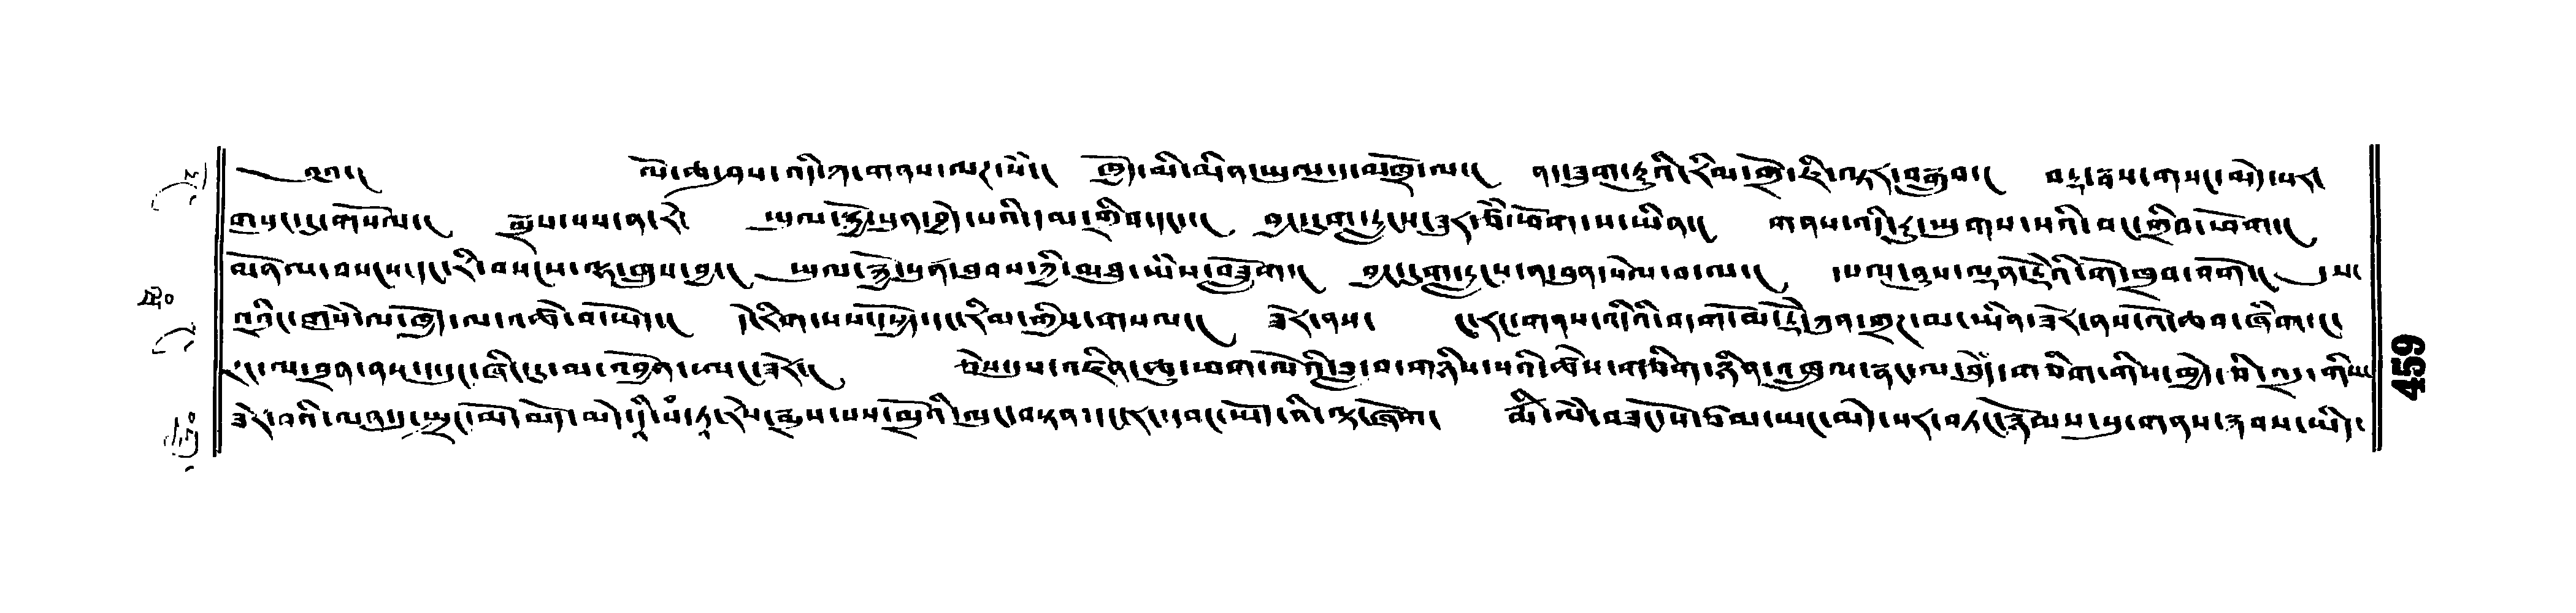།ལོ་ཆ་ཤས་འདི་ཀར་གནས་ལགས་སམ། ཁྱོད་མི་མིན་ཡུལ་དུ་མཁའ་འགྲོ་ལ། །ནད་ཟུག་དུའི་རིམ་གྲོ་ཇི་ལྟར་སྒྲུབ། །བརྡ་སྦ་གསང་མེད་པར་
གསུང་དུ་གསོལ། སྨྲས་པས་ན་རེ། ཡུལ་སྐྱོ་སུན་བྱེད་པའི་དམ་གྲིབ་དང་། །བྱད་དུག་རླངས་ཟུར་ཙམ་ཕོག་པ་ཡིན། །གནས་འདི་རུ་ཡུགས་སའི་བང་གྲིབ་ཕོག །
མནོལ་བསངས་དང་རི་བསངས་ལྷ་ཁྲུས་བྱ། །ཡུལ་སྐྱོ་སུན་ཐབས་ཀྱི་མཐུ་ཡིས་བཟློག །བྱད་དུག་རླངས་ན་བུན་སེལ་བ་ལ། །དཔལ་ནུས་ལྡན་རྡོ་རྗེའི་གོ་ཁྲབ་བགོ །དུས་
འབྲིང་གསུམ་ལ་ཁྱོད་ལ་འཚེ་བ་ཡོད། །དེ་རིག་པས་དཔྱོད་དང་རིམ་གྱིས་གསལ། ཟེར་ནས། ང་རང་གནས་འདིའི་བདག་མོ་རྡོ་རྗེ་ཀུན་གྲགས་མ་ཡིན་ཟེར་ནས་འོ་ཆབ་ཞིག་ང་
རང་ལ་བྲན་ནས་དདུང་ཞིང་དུ་མ་འབྱོན་ཨང་ཟེར། ཅེས་དུས་འཛིན་ཆུ་ཕག་ལོའི་ཟླ་བ་གཉིས་པའི་ཚེས་གཅིག་ཉིན་འཁྲུལ་སྣང་ལ་བུད་མེད་གཅིག་གིས་ཁྱེད་ཅི་འདྲ་མཆིས་
ཟེར་བའི་ལན་དུ་སྤྲང་མོ་མདོ་མེད་དཱི་པཾ་ཏཱ་རེས་སྨྲས་པ་མཁའ་འགྲོའི་ལུང་བསྟན་དང་རང་དབང་ཡོད་ནི་ལྟ་ཞོག རྨི་ལམ་བཟང་པོ་ཙམ་ཡང་མེད་པར་བཏང་སྙོམས་སུ་གནས་སྐབས་ཡིད་